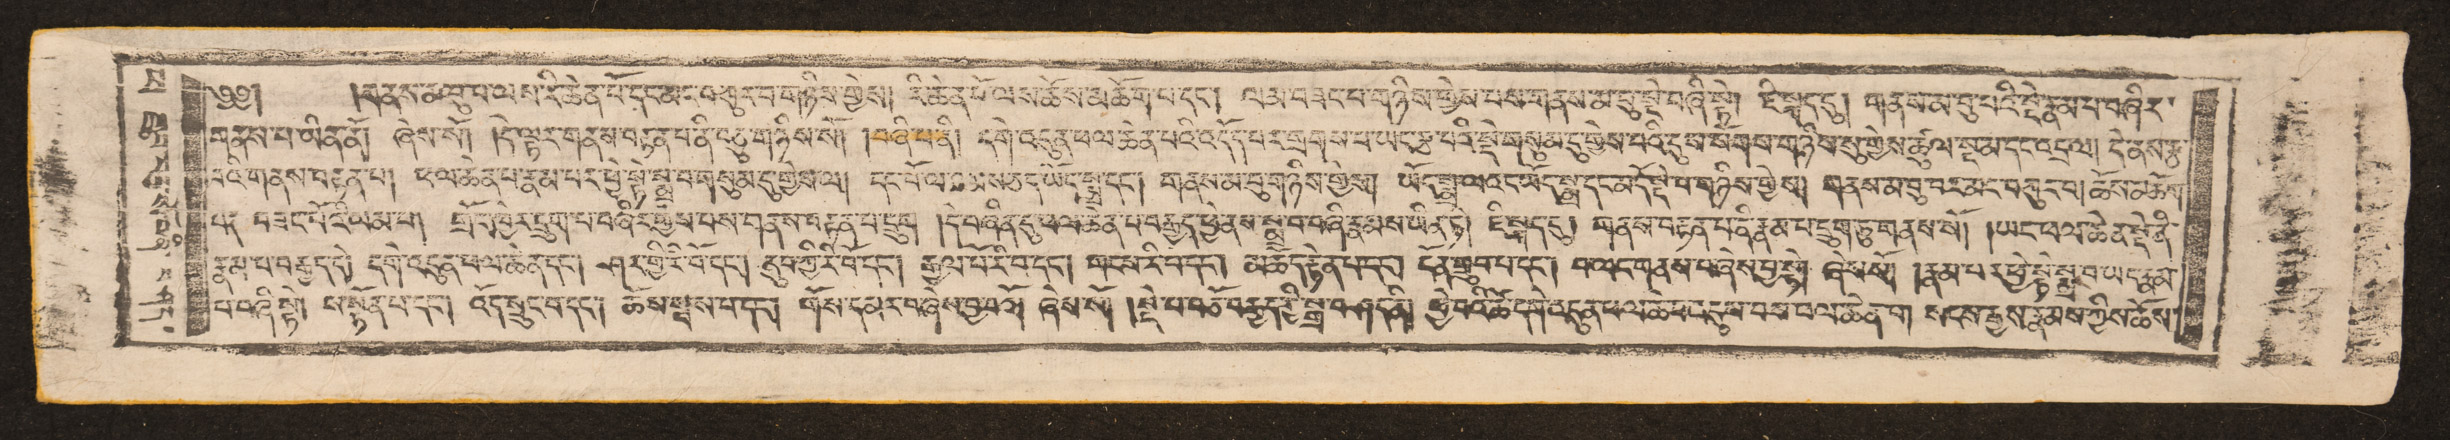༄༅། །གནས་མ་བུ་པ་ལས་རི་ཆེན་པོ་དང་མང་བཀུར་བ་གཉིས་གྱེས། རི་ཆེན་པོ་ལས་ཆོས་མཆོག་པ་དང་། ལམ་བཟང་པ་གཉིས་གྱེས་པས་གནས་མ་བུ་སྡེ་བཞི་སྟེ། ཇི་སྐད་དུ། གནས་མ་བུ་པའི་སྡེ་རྣམ་པ་བཞིར་
གནས་པ་ཡིན་ནོ། ཞེས་སོ། །དེ་ལྟར་གནས་བརྟན་པ་ནི་བཅུ་གཉིས་སོ། །བཞི་པ་ནི། དགེ་འདུན་ཕལ་ཆེན་པའི་འདོད་པར་གྲགས་པ་ཡང་རྩ་པའི་སྡེ་གསུམ་དུ་གྱེས་པའི་དུས་སོགས་གཉིས་སུ་གྱེས་ཚུལ་སྔ་མ་དང་འདྲལ། དེ་ནས་རྩ་
བའི་གནས་བརྟན་པ། ཕལ་ཆེན་པ་རྣམ་པར་ཕྱེ་སྟེ་སྨྲ་བ་གསུམ་དུ་གྱེས་ལ། དང་པོ་ལ་ཐམས་ཅད་ཡོད་སྨྲ་དང་། གནས་མ་བུ་གཉིས་གྱིས། ཡོད་སྨྲ་ལའང་ཡོད་སྨྲ་དང་མདོ་སྡེ་བ་གཉིས་གྱེས། གནས་མ་བུ་བར་མང་བཀུར་བ། ཆོས་མཆོག་
པ༑ བཟང་པོའི་ལམ་པ། གྲོང་ཁྱེར་དྲུག་པ་བཞིར་གྱིས་པས་གནས་བརྟན་པ་དྲུག །དེ་བཞིན་དུ་ཕལ་ཆེན་པ་བརྒྱད་ཕྱེ་ནས་སྨྲ་བ་བཞི་རྣམས་ཡིན་ཏེ། ཇི་སྐད་དུ། གནས་བརྟན་པ་ནི་རྣམ་པ་དྲུག་ཏུ་གནས་སོ། །ཡང་ཕལ་ཆེན་སྡེ་ནི་
རྣམ་པ་བརྒྱད་དེ། དགེ་འདུན་ཕལ་ཆེན་དང་། ཤར་གྱི་རི་བོ་དང་། ནུབ་ཀྱི་རི་བོ་དང་། རྒྱལ་པོ་རི་བ་དང་། གངས་རི་པ་དང་། མཆོད་རྟེན་པ་དང་། དོན་གྲུབ་པ་དང་། པ་ལང་གནས་བཞེས་བྱ་སྟེ། ཞེས་སོ། །རྣམ་པར་ཕྱེ་སྟེ་སྨྲ་པ་ཡང་རྣམ་
པ་བཞི་སྟེ། ས་སྟོན་པ་དང་། འོད་སྲུང་པ་དང་། ཆོས་སྨྲས་པ་དང་། གོས་དམར་པ་ཞེས་བྱ་བའོ། ཞེས་སོ། །སྡེ་པ་བཅོ་བརྒྱད་ཀྱི་སྒྲ་བཤད་ནི། ཕྱེ་བའི་ཆོ་དགེ་འདུན་ཕལ་ཆེ་བ་འདུས་བས་ཕལ་ཆེན་པ། སངས་རྒྱས་རྣམས་ཀྱིས་ཆོས་